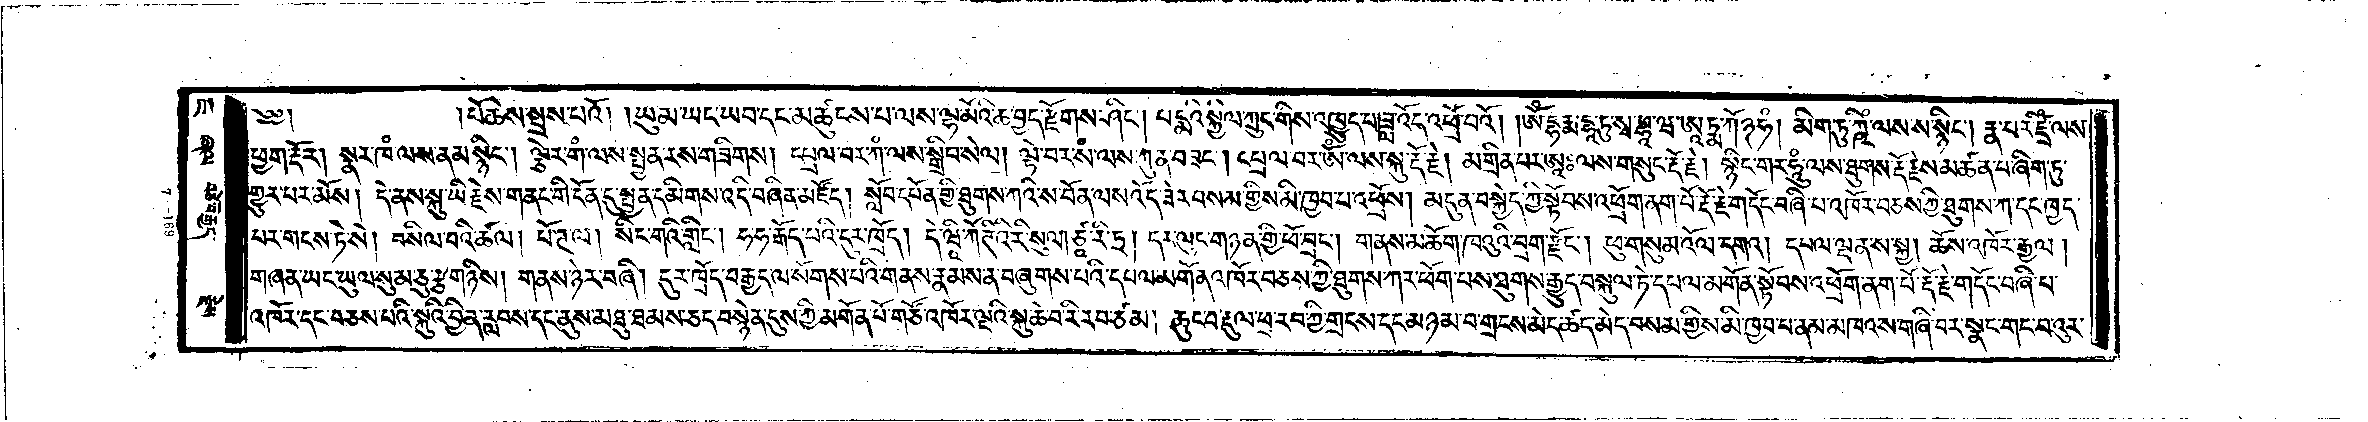༄༅། །པོ་ཆེས་སྤྲས་པའོ། །ཡུམ་ཡང་ཡབ་དང་མཚུངས་པ་ལས་ལྷ་མོའི་ཆ་བྱད་རྫོགས་ཤིང་། པདམའི་ཀྲུང་གིས་འཁྱུད་པ་།ཟླ་འོད་འཕྲོ་བའོ། །ཨོཾ་དྷརྨཱ་ཏུ་སྭ་བྷཱ་ཝ་ཨཱཏྨ་ཀོཉཧཾ། མིག་ཏུ་ཀྵིཾ་ལས་ས་སྙིང་། རྣ་བར་ཛརཾ་ལས་
ཕྱག་རྡོར། སྣར་ཁཾ་ལས་ནམ་སྙིང་། ལྕེར་གཾ་ལས་སྤྱན་རས་གཟིགས། དཔྲལ་བར་ཀཾ་ལས་སྒྲིབ་སེལ། ལྟེ་བར་སཾ་ལས་ཀུན་བཟང་། དཔྲལ་བར་ཨོཾ་ལས་སྐུ་རྡོ་རྗེ། མགྲིན་པར་ཨཱཿལས་གསུང་རྡོ་རྗེ། སྙིང་གར་ཧཱུཾ་ལས་ཐུགས་རྡོ་རྗེས་མཚན་པ་ཞིག་ཏུ་
གྱུར་པར་མོས། དེ་ནས་སྐུ་ཡི་རྗེས་གནང་གི་དོན་དུ་སྤྱན་དམིགས་འདི་བཞིན་མཛོད། སློབ་དཔོན་གྱི་ཐུགས་ཀའི་ས་བོན་ལས་འོད་ཟེར་བསམ་གྱིས་མི་ཁྱབ་པ་འཕྲོས། མདུན་བསྐྱེད་ཀྱི་སྟོབས་འཕྲོག་ནག་པོ་རྡོ་རྗེ་གདོང་བཞི་པ་འཁོར་བཅས་ཀྱི་ཐུགས་ཀ་དང་ཁྱད་
པར་གངས་ཏེ་སེ། བསིལ་བའི་ཚལ། པོ་ཊ་ལ། སིང་གའི་གླིང་། ཧ་ཧ་རྒོད་པའི་དུར་ཁྲོད། དེ་ཝཱི་ཀོ་ཏིའི་རི་སུལ། ཙཱ་རི་ཏྲ། དར་ལུང་གཉན་གྱི་ཕོ་བྲང་། གནས་མཆོག་ཁའུའི་བྲག་རྫོང་། ཕུ་གསུམ་འོལ་དགའ། དཔལ་ལྡན་ས་སྐྱ། ཆོས་འཁོར་རྒྱལ།
གཞན་ཡང་ཡུལ་སུམ་ཅུ་རྩ་གཉིས། གནས་ཉེར་བཞི། དུར་ཁྲོད་བརྒྱད་ལ་སོགས་པའི་གནས་རྣམས་ན་བཞུགས་པའི་དཔལ་མགོན་འཁོར་བཅས་ཀྱི་ཐུགས་ཀར་ཕོག་པས་ཐུགས་བརྒྱུད་བསྐུལ་ཏེ་དཔལ་མགོན་སྟོབས་འཕྲོག་ནག་པོ་རྡོ་རྗེ་གདོང་བཞི་པ་
འཁོར་དང་བཅས་པའི་སྐུའི་བྱིན་རླབས་དང་ནུས་མཐུ་ཐམས་ཅད་བསྙེན་དུས་ཀྱི་མགོན་པོ་གཙོ་འཁོར་ལྔའི་སྐུ་ཆེ་བ་རི་རབ་ཙམ། ཆུང་བརྡུལ་ཕྲ་རབ་ཀྱི་གྲངས་དང་མཉམ་པ་གྲངས་མེད་ཚད་མེད་བསམ་གྱིས་མི་ཁྱབ་པ་྾་ནམ་མཁའ་ས་གཞི་བར་སྣང་གང་བ་འུར་